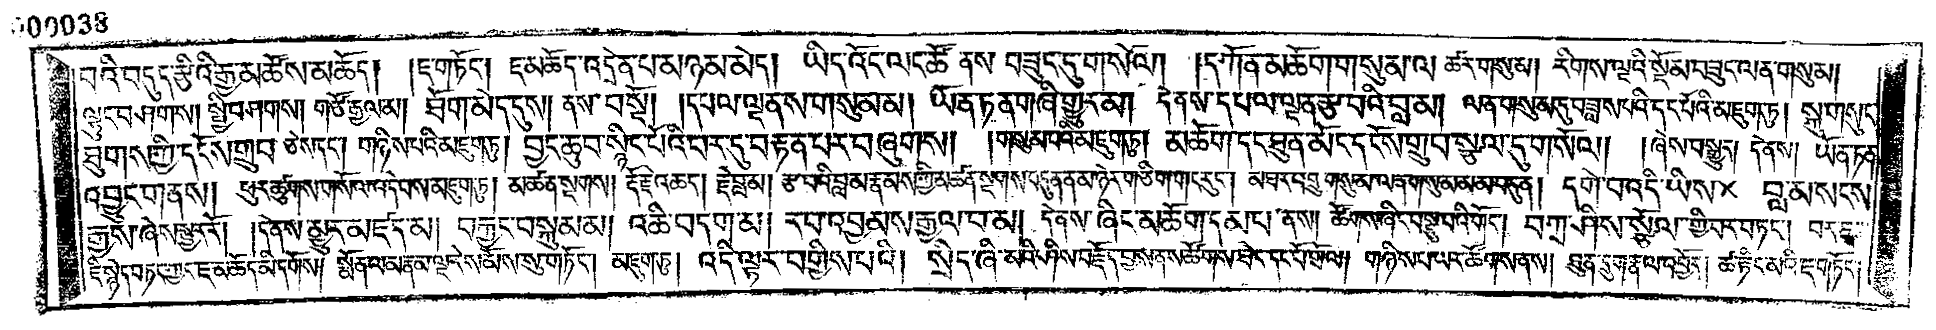བའི་བདུད་རྩིའི་རྒྱ་མཚོས་མཆོད། །ཇ་གཏོང་། ཇ་མཆོད་འདྲེན་པ་མཉམ་མེད། ཡིད་འོང་ལང་ཚོ་ནས་བཟུང་དུ་གསོལ། །དཀོན་མཆོག་གསུམ་ལ་ཚར་གསུམ། རིགས་ལྔའི་སྡོམ་བཟུང་ལན་གསུམ།
ལྟུང་བཤགས། སྤྱི་བཤགས། གཙོ་རྒྱལ་མ། ཐོག་མེད་དུས། ནས་བསྔོ། །དཔལ་ལྡན་ས་གསུམ་མ། ཡོན་ཏན་གཞི་གྱུར་མ། དེ་ནས་དཔལ་ལྡན་རྩ་བའི་བླ་མ། ལན་གསུམ་དུ་བཟླས་པའི་དང་པོའི་མཇུག་ཏུ།  སྐུ་གསུང་
ཐུགས་ཀྱི་དངོས་གྲུབ་ཅེས་དང་། གཉིས་པའི་མཇུག་ཏུ།  བྱང་ཆུབ་སྙིང་པོའི་བར་དུ་བརྟན་པར་བཞུགས། །གསུམ་པའི་མཇུག་ཏུ།  མཆོག་དང་ཐུན་མོང་དངོས་གྲུབ་སྩལ་དུ་གསོལ། །ཞེས་བསྒྱུར། དེ་ནས།  ཡོན་ཏན་
འབྱུང་གནས། ཕུར་ཚུགས་གསོལ་འདེབས་མཇུག་ཏུ། མཚན་སྔགས། རྡོ་རྗེ་འཆང་། རྗེ་བླ་མ། རྩ་བའི་བླ་མ་རྣམས་ཀྱི་མཚན་སྔགས་བདུན་ནམ་ཉེར་གཅིག་གང་རུང་། མཐར་འབྲུ་གསུམ་ལན་གསུམ་མམ་བདུན།  དགེ་བ་འདི་ཡིས྾་བླ་མ་སངས་
རྒྱས་ཞེས་སྦྱར་རོ། །དེ་ནས་མྱུར་མཛད་མ། བརྐྱང་བསྐུམ་མ། འཆི་བདག་མ། རབ་འབྱམས་རྒྱལ་བ་མ། དེ་ནས་ཞིང་མཆོག་དམ་པ་ནས། ཚོགས་ཞིང་བསྡུ་བའི་གོང་།  བཀྲ་ཤིས་སྩོལ་གྱི་བར་བཏང་། བར་རྡ་
ཇི་སྙེད་བཏང་ཀྱང་ཇ་མཆོད་མི་དགོས། སྨོན་ལམ་རྣམ་ལྔ་རེས་མོས་སུ་གཏོང་། མཇུག་ཏུ། འདི་ལྟར་བགྱིས་པའི། སྲིད་ཞི་མའི་ཤིས་བརྗོད་བྱས་ནས་ཚོགས་ཐེང་དང་པོ་གྲོལ། གཉིས་པ་ཡར་ཚོགས་ནས། ཐུན་དྲུག་རྣལ་འབྱོར། ཚ་རྟིང་མའི་ཇ་གཏོང་།